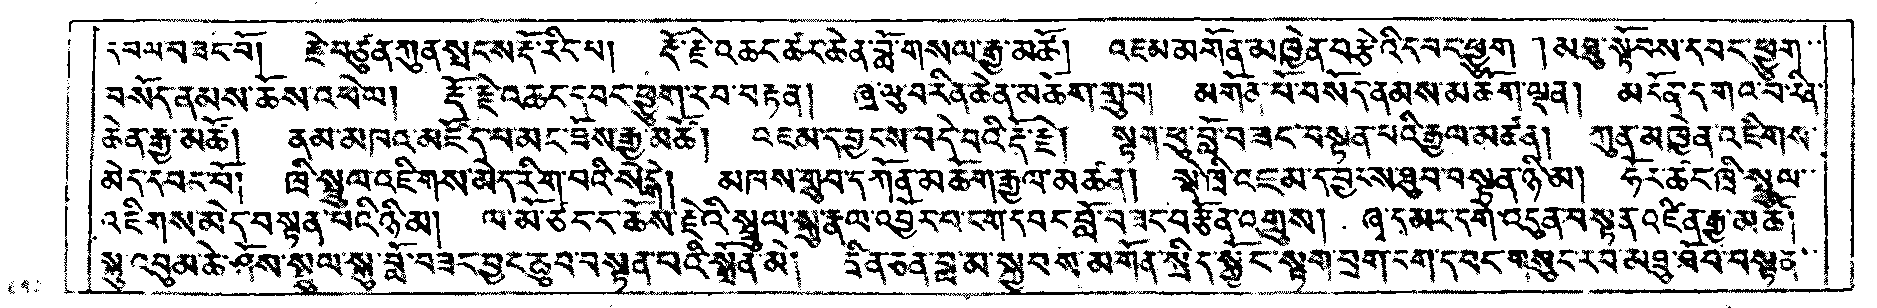དཔལ་བཟང་པོ། རྗེ་བཙུན་ཀུན་སྤངས་རྡོ་རིང་པ། རྡོ་རྗེ་འཆང་ཚར་ཆེན་བློ་གསལ་རྒྱ་མཚོ། འཇམ་མགོན་མཁྱེན་བརྩེའི་དབང་ཕྱུག །མཐུ་སྟོབས་དབང་ཕྱུག་
བསོད་ནམས་ཆོས་འཕེལ། རྡོ་རྗེ་འཆང་དབང་ཕྱུག་རབ་བརྟན། ཞྭ་ལུ་བ་རིན་ཆེན་མཆོག་གྲུབ། མགོན་པོ་བསོད་ནམས་མཆོག་ལྡན། མངོན་དགའ་བ་རིན་
ཆེན་རྒྱ་མཚོ། ནམ་མཁའ་མཛོད་པ་མང་ཐོས་རྒྱ་མཚོ། འཇམ་དབྱངས་བདེ་བའི་རྡོ་རྗེ། སྟག་ཕུ་བློ་བཟང་བསྟན་པའི་རྒྱལ་མཚན། ཀུན་མཁྱེན་འཇིགས་
མེད་དབང་པོ། ཁྲི་སྤྲུལ་འཇིགས་མེད་རིག་པའི་སེངྒེ། མཁས་གྲུབ་དཀོན་མཆོག་རྒྱལ་མཚན། སྡེ་ཁྲི་འཇམ་དབྱངས་ཐུབ་བསྟན་ཉི་མ། ཧོར་ཚང་ཁྲི་སྤྲུལ་
འཇིགས་མེད་བསྟན་པའི་ཉི་མ། ལ་མོ་ཙང་ང་ཆོས་རྗེའི་སྤྲུལ་སྐུ་རྣལ་འབྱོར་པ་ངག་དབང་བློ་བཟང་བརྩོན་འགྲུས། ཞྭ་དམར་དགེ་འདུན་བསྟན་འཛིན་རྒྱ་མཚོ།
སྐུ་འབུམ་ཆེ་ཤོས་སྤྲུལ་སྐུ་བློ་བཟང་བྱང་ཆུབ་བསྟན་པའི་སྒྲོན་མེ། དྲིན་ཅན་བླ་མ་སྐྱབས་མགོན་སྲིད་སྐྱོང་སྟག་བྲག་ངག་དབང་གསུང་རབ་མཐུ་ཐོབ་བསྟན་